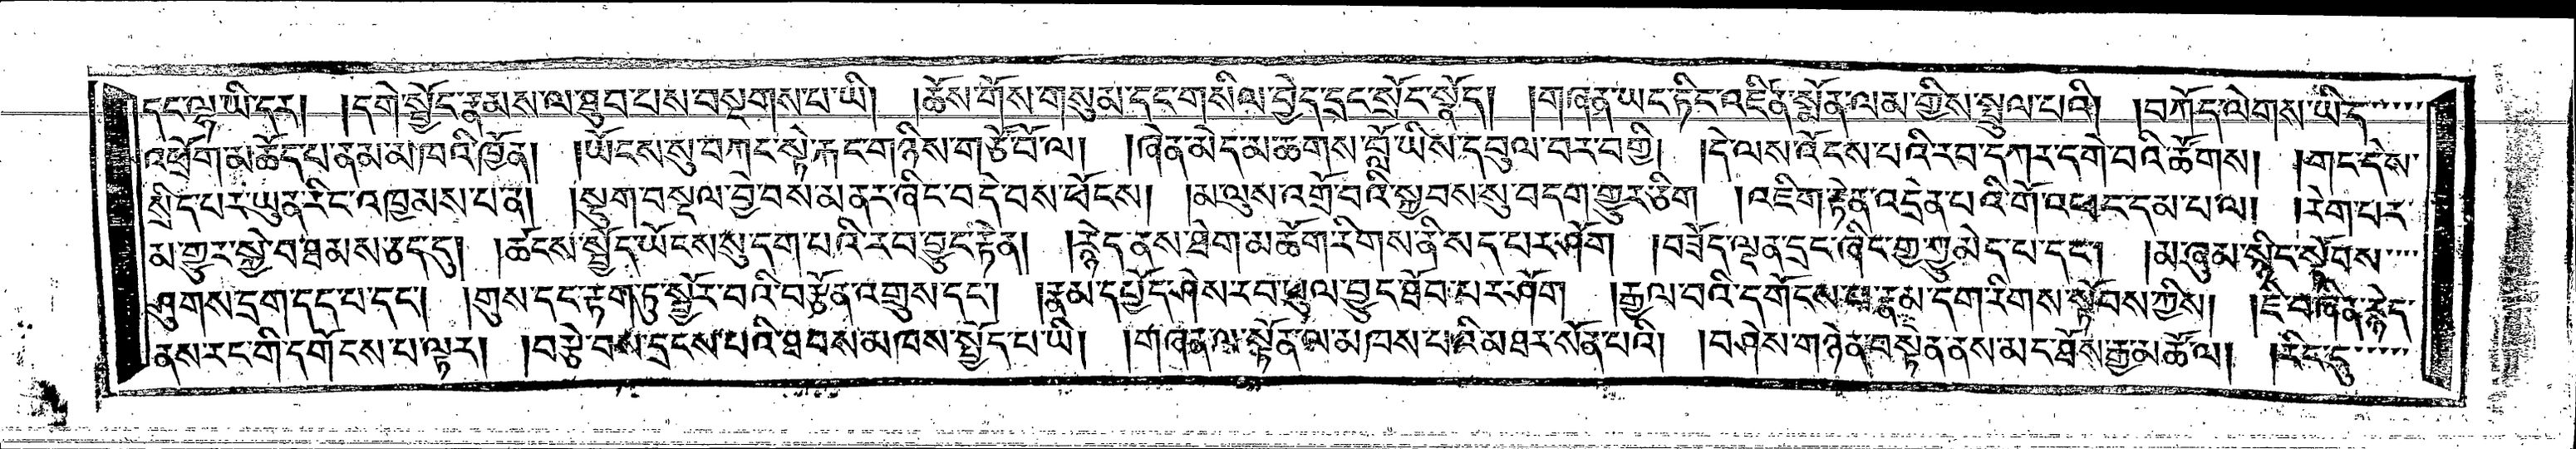དང་ལྷ་ཡི་དར། །དགེ་སྦྱོང་རྣམས་ལ་ཐུབ་པས་བསྔགས་པ་ཡི། །ཆོས་གོས་གསུམ་དང་གསིལ་བྱེད་དྲང་སྲོང་སྣོད། །གཞན་ཡང་ཏིང་འཛིན་སྨོན་ལམ་གྱིས་སྤྲུལ་པའི། །བཀོད་ལེགས་ཡིད་
འཕྲོག་མཆོད་པ་ནམ་མཁའི་ཁྱོན། །ཡོངས་སུ་བཀང་སྟེ་རྐང་གཉིས་གཙོ་བོ་ལ། །ཞེན་མེད་མ་ཆགས་བློ་ཡིས་དབུལ་བར་བགྱི། །དེ་ལས་འོངས་པའི་རབ་དཀར་དགེ་བའི་ཚོགས། །གང་དེས་
སྲིད་པར་ཡུན་རིང་འཁྱམས་པ་ན། །སྡུག་བསྔལ་བྱེ་བས་མནར་ཞིང་བདེ་བས་ཕོངས། །མ་ལུས་འགྲོ་བའི་སྐྱབས་སུ་བདག་གྱུར་ཅིག །འཇིག་རྟེན་འདྲེན་པའི་གོ་འཕང་དམ་པ་ལ། །རེག་པར་
མ་གྱུར་སྐྱེ་བ་ཐམས་ཅད་དུ། །ཚངས་སྤྱོད་ཡོངས་སུ་དག་པའི་རབ་བྱུང་རྟེན། །རྙེད་ནས་ཐེག་མཆོག་རིགས་ནི་སད་པར་ཤོག །བཟོད་ལྡན་དྲང་ཞིང་གྱ་གྱུ་མེད་པ་དང་། །མ་ཞུམ་སྙིང་སྟོབས་
ཤུགས་དྲག་དད་པ་དང་། །གུས་དང་རྟག་ཏུ་སྦྱོར་བའི་བརྩོན་འགྲུས་དང་། །རྣམ་དཔྱོད་ཤེས་རབ་ཕུལ་བྱུང་ཐོབ་པར་ཤོག །རྒྱལ་བའི་དགོངས་པ་རྣམ་དག་རིགས་སྟོབས་ཀྱིས། །ཇི་བཞིན་རྙེད་
ནས་རང་གི་དགོངས་པ་ལྟར། །བརྩེ་བས་དྲངས་པའི་ཐབས་མཁས་སྤྱོད་པ་ཡི། །གཞན་ལ་སྟོན་ལ་མཁས་པའི་མཐར་སོན་པའི། །བཤེས་གཉེན་བསྟེན་ནས་མང་ཐོས་རྒྱ་མཚོ་ལ། །རིང་དུ་